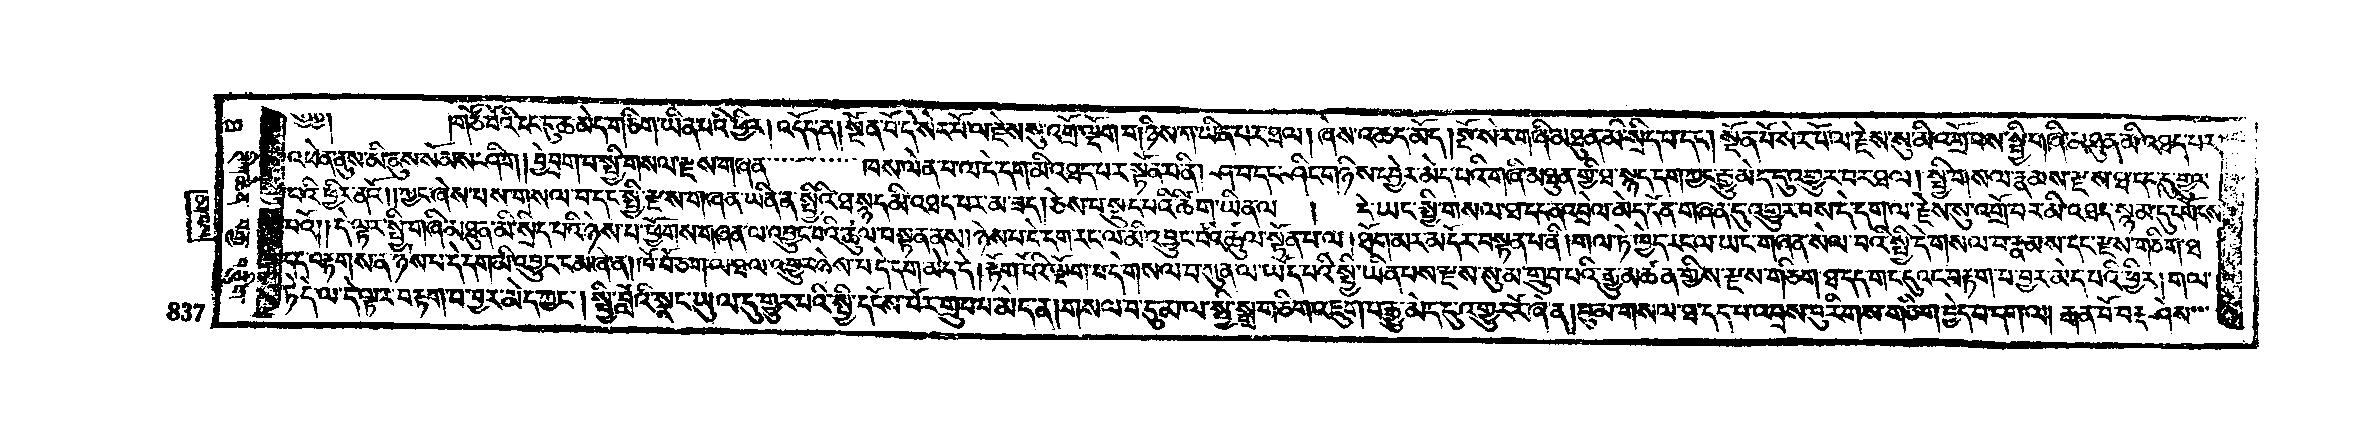༄༅། །གཙོ་བོའི་ངང་དུ་ཆ་མེད་གཅིག་ཡིན་པའི་ཕྱིར། འདོད་ན། སྔོན་པོ་དེ་སེར་པོ་ལ་རྗེས་སུ་འགྲོ་ལྡོག་གཉིས་ཀ་ཡིན་པར་ཐལ། ཞེས་འཆད་མོད། སྔོ་སེར་གཞི་མཐུན་མི་སྲིད་པ་དང་། སྔོན་པོ་སེར་པོ་ལ་རྗེས་སུ་མི་འགྲོ་བས་སྤྱི་གཞི་མཐུན་མི་འཐད་པར་
འཕེན་ནུས་མི་ནུས་སོམས་ཤིག །བྱེ་བྲག་པ་སྤྱི་གསལ་རྫས་གཞན་ཁས་ལེན་པ་ལ་དེ་དག་མི་འཐད་པར་སྟོན་པ་ནི། ཤ་བ་དང་ཤིང་གཉིས་དབྱེར་མེད་པའི་གཞི་མཐུན་གྱི་ཐ་སྙད་དག་ཀྱང་རྒྱུ་མེད་དུ་འགྱུར་བར་ཐལ། སྤྱི་གསལ་རྣམས་རྫས་ཐ་དད་དུ་གྱུར་
བའི་ཕྱིར་ནའོ། །ཀྱང་ཞེས་པས་གསལ་བ་དང་སྤྱི་རྫས་གཞན་ཡིན་ན་སྤྱིའི་ཐ་སྙད་མི་འཐད་པར་མ་ཟད། ཅེས་པ་སྡུད་པའི་ཚིག་ཡིན་ལ། དེ་ཡང་སྤྱི་གསལ་ཐ་དད་ན་འབྲེལ་མེད་དོན་གཞན་དུ་འགྱུར་བས་དེ་དག་ལ་རྗེས་སུ་འགྲོ་བར་མི་འཐད་སྙམ་དུ་དགོངས་
པའོ། །དེ་ལྟར་སྤྱི་གཞི་མཐུན་མི་སྲིད་པའི་ཉེས་པ་ཕྱོགས་གཞན་ལ་འབྱུང་བའི་ཚུལ་བསྟན་ནས། ཉེས་པ་དེ་དག་རང་ལ་མི་འབྱུང་བའི་ཚུལ་སྟོན་པ་ལ། ཐོག་མར་མདོར་བསྟན་པ་ནི། གལ་ཏེ་ཁྱེད་རང་ལ་ཡང་གཞན་སེལ་བའི་སྤྱི་དེ་གསལ་བ་རྣམས་དང་རྫས་གཅིག་ཐ་
དད་བརྟགས་ན་ཉེས་པ་དེ་དག་མི་འབྱུང་ངམ་ཞེ་ན། ཁོ་བོ་ཅག་ལ་ཐལ་འགྱུར་ཉེས་པ་དེ་དག་མེད་དེ། རྟོག་ངོའི་ལྡོག་པ་དེ་གསལ་བ་ཀུན་ལ་ཡོད་པའི་སྤྱི་ཡིན་པས་རྫས་སུ་མ་གྲུབ་པའི་རྒྱུ་མཚན་གྱིས་རྫས་གཅིག་ཐ་དད་གང་དུའང་བརྟག་པ་བྱར་མེད་པའི་ཕྱིར། གལ་
ཏེ་དེ་ལ་དེ་ལྟར་བརྟག་པ་བྱར་མེད་ཀྱང་། སྤྱི་བློའི་སྣང་ཡུལ་དུ་གྱུར་པའི་སྤྱི་དངོས་པོར་གྲུབ་པ་མེད་ན། གསལ་བ་དུ་མ་ལ་སྤྱི་སྒྲ་གཅིག་འཇུག་པ་རྒྱུ་མེད་དུ་འགྱུར་རོ་ཞེ་ན། བུམ་གསལ་ཐ་དད་པ་འབྲས་བུ་རིགས་གཅིག་བྱེད་པ་དག་ལ། རྒན་པོ་བརྡ་ཤེས་